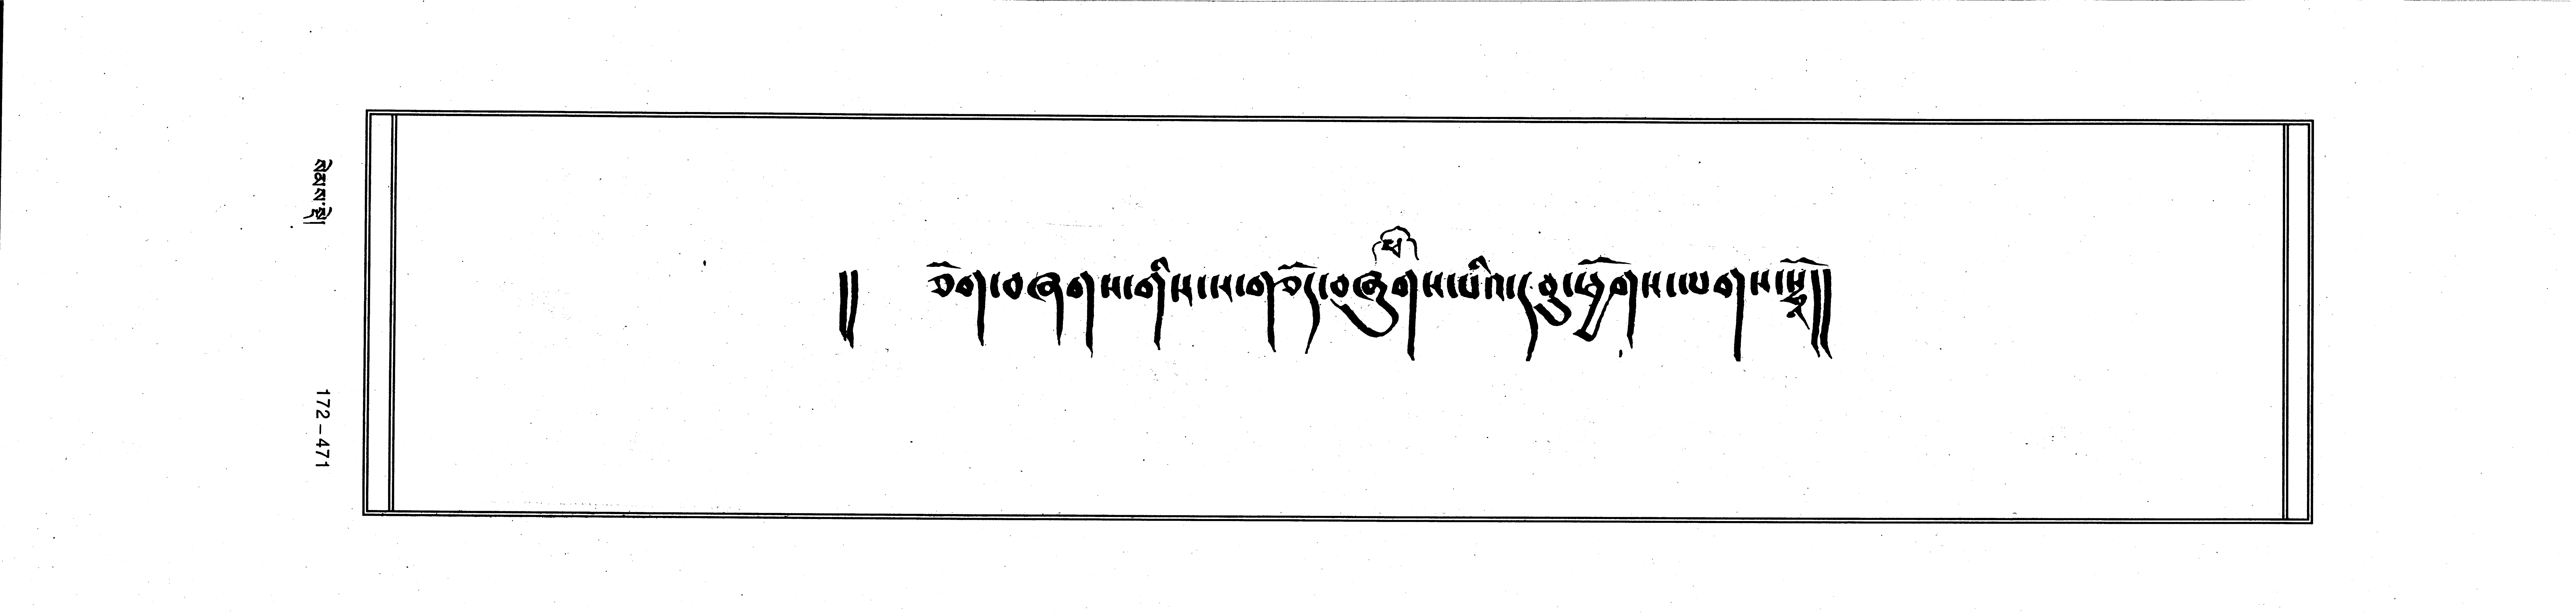༼ཕ༽།།ཅོག་བཞག་གི་ས་གཅོད་བཞུགས་པའི་དབུ་ཕྱོགས་ལགས་སྷཱོ།།